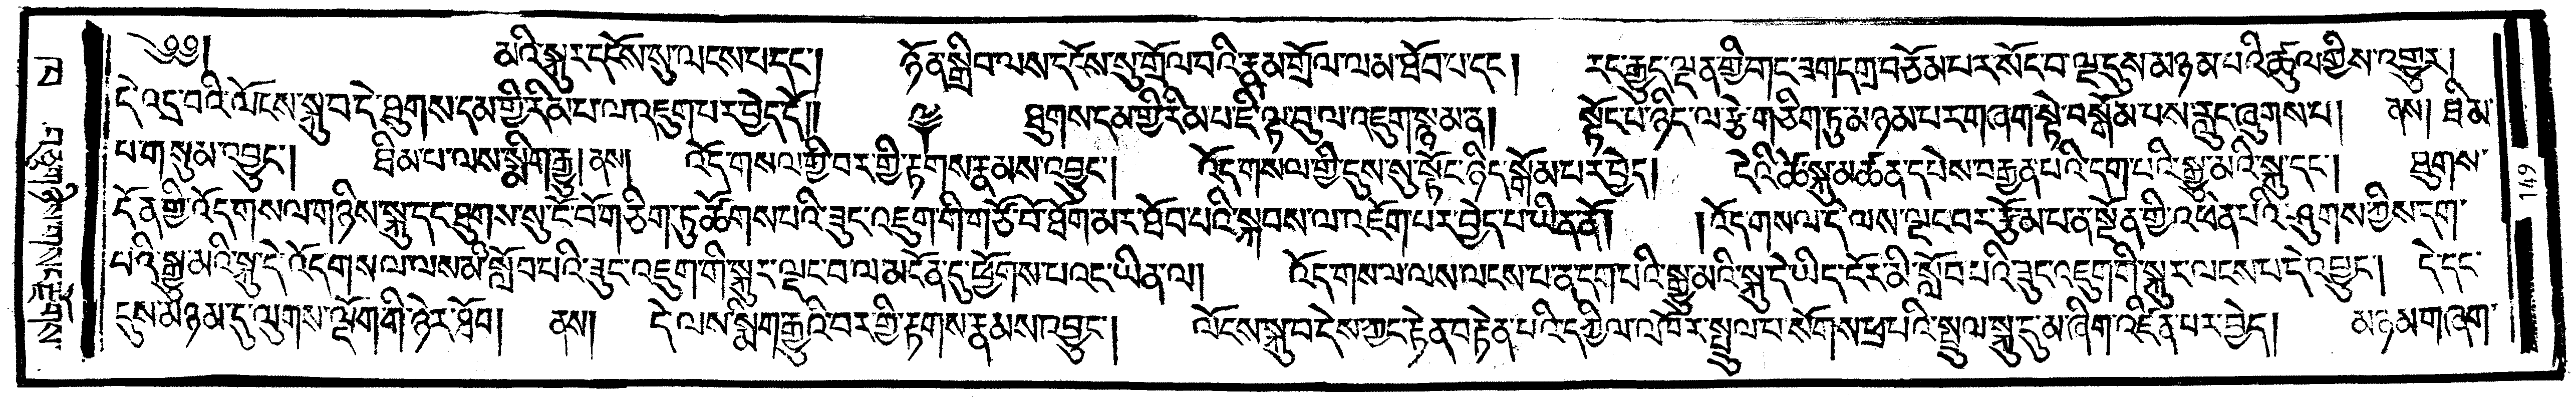༄༅། མའི་སྐུར་དངོས་སུ་ལངས་པ་དང་། ཉོན་སྒྲིབ་ལས་དངོས་སུ་གྲོལ་བའི་རྣམ་གྲོལ་ལམ་ཐོབ་པ་དང་། རང་རྒྱུད་ལྡན་གྱི་གང་ཟག་དགྲ་བཅོམ་པར་སོང་བ་ལྔ་དུས་མཉམ་པའི་ཚུལ་གྱིས་འགྱུར།
དེ་འདྲ་བའི་ལོངས་སྐུ་བདེ་ཐུགས་དམ་གྱི་རིམ་པ་ལ་འཇུག་པར་བྱེད་དོ།། ༈ ཐུགས་དམ་གྱི་རིམ་པ་ཇི་ལྟ་བུ་ལ་འཇུག་སྙམ་ན། སྟོང་པ་ཉིད་ལ་རྩེ་གཅིག་ཏུ་མཉམ་པར་གཞག་སྟེ་བསྒོམ་པས་རླུང་ཞུགས་པ། ནས། ཐིམ་
པ་གསུམ་འབྱུང་། ཐིམ་པ་ལས་སྨིག་རྒྱུ། ནས། འོད་གསལ་གྱི་བར་གྱི་རྟགས་རྣམས་འབྱུང་། འོད་གསལ་གྱི་དུས་སུ་སྟོང་ཉིད་སྒོམ་པར་བྱེད། དེའི་ཚེ་སྐུ་མཚན་དཔེས་བརྒྱན་པའི་དག་པའི་སྒྱུ་མའི་སྐུ་དང་། ཐུགས་
དོན་གྱི་འོད་གསལ་གཉིས་སྐུ་དང་ཐུགས་སུ་ངོ་བོ་གཅིག་ཏུ་ཚོགས་པའི་ཟུང་འཇུག་གི་གཙོ་བོ་ཐོག་མར་ཐོབ་པའི་སྐབས་ལ་འཇོག་པར་བྱེད་པ་ཡིན་ནོ། །འོད་གསལ་དེ་ལས་ལྡང་བར་རྩོམ་པ་ན་སྔོན་གྱི་འཕེན་པའི་ཤུགས་ཀྱིས་དག་
པའི་སྒྱུ་མའི་སྐུ་དེ་འོད་གསལ་ལས་མི་སློབ་པའི་ཟུང་འཇུག་གི་སྐུར་ལྡང་བ་ལ་མངོན་དུ་ཕྱོགས་པའང་ཡིན་ལ། འོད་གསལ་ལས་ལངས་པ་ན་དག་པའི་སྒྱུ་མའི་སྐུ་དེ་ཡིད་ངོར་མི་སློབ་པའི་ཟུང་འཇུག་གི་སྐུར་ལངས་པ་དེ་འབྱུང་། དེ་དང་
དུས་མཉམ་དུ་ལུགས་ལྡོག་གི་ཉེར་ཐོབ། ནས། དེ་ལས་སྨིག་རྒྱུའི་བར་གྱི་རྟགས་རྣམས་འབྱུང་། ལོངས་སྐུ་བ་དེས་ཀྱང་རྟེན་བརྟེན་པའི་དཀྱིལ་འཁོར་སྤྲུལ་པ་སོགས་ཕྲ་པའི་སྤྲུལ་སྐུ་དུ་མ་ཞིག་འཛིན་པར་བྱེད། མཉམ་གཞག་